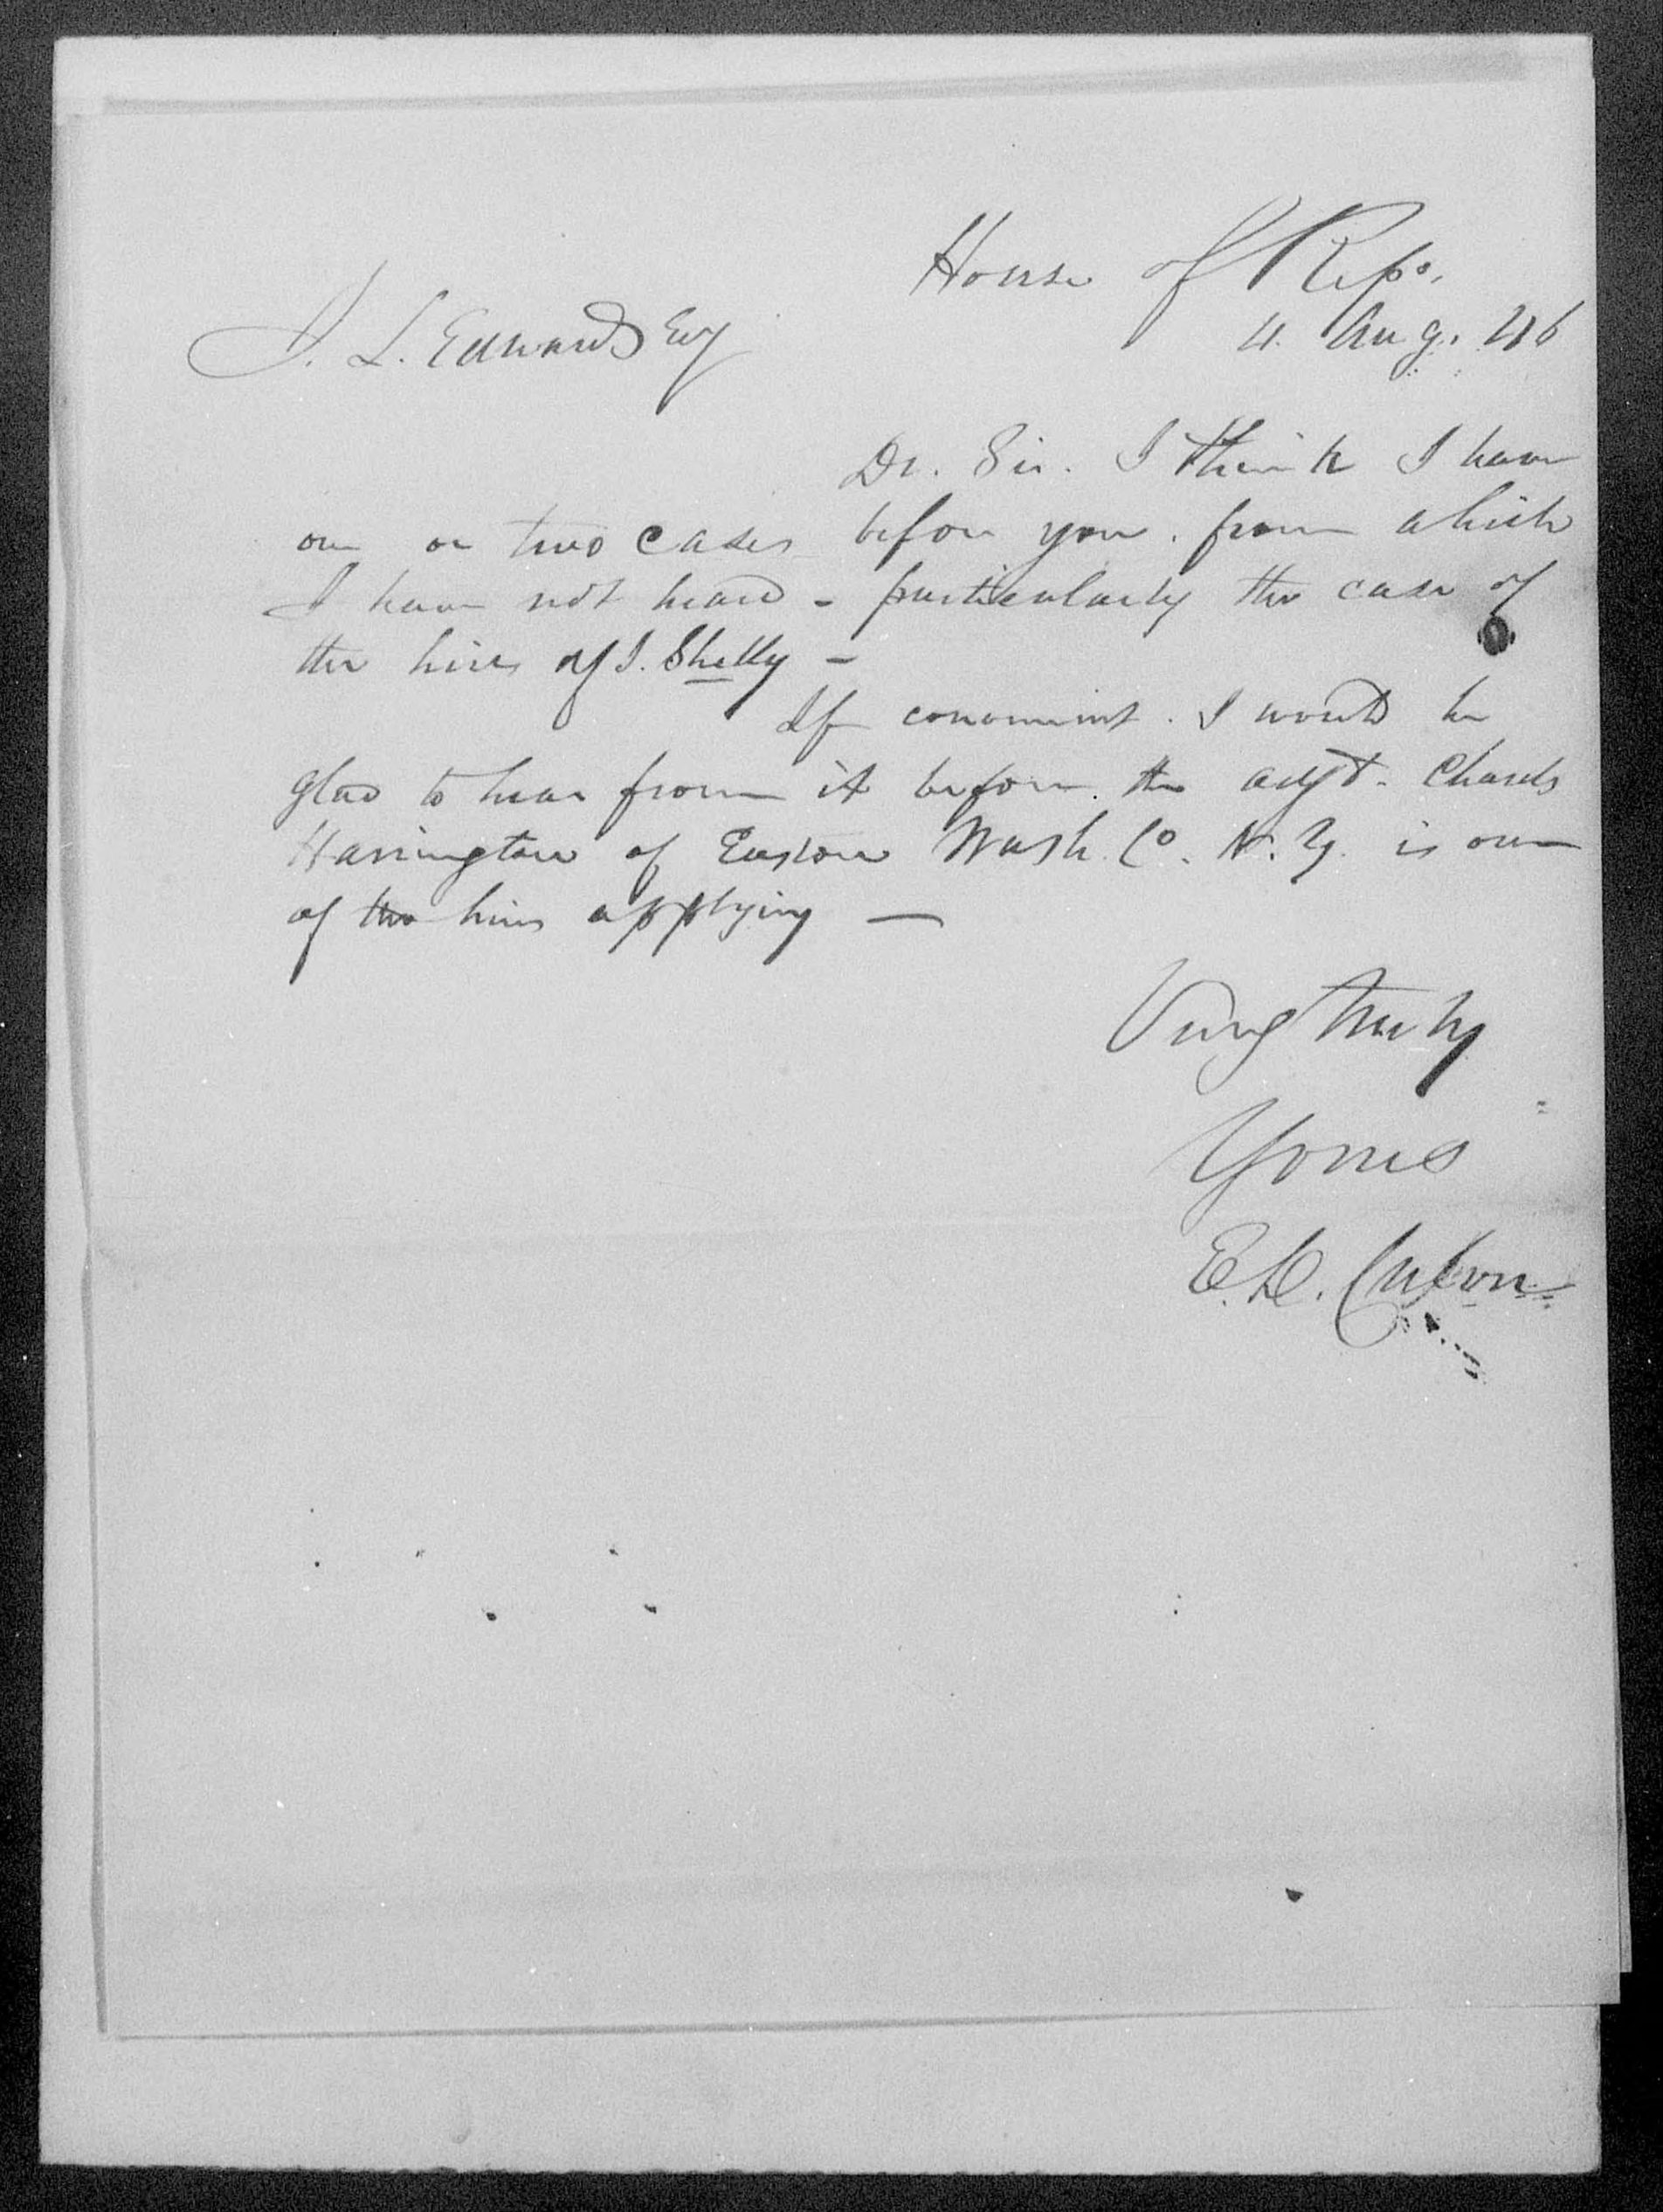House of Reps, [Representatives]
4 Aug. 46

J. L. Edwards Esq

Dr. [Dear] Sir, I think I have one or two cases before you, from which I have not heard - particularly the case of the heirs of I. Shelly -

If [illegible], I would be glad to hear from it before the appt. Charles Harrington of Easton Wash. Co. N.Y. is one of two heirs applying -

Very truly Yours
E. D. Culver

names: J L Edwards, J Shelly, E D Culver, Charels Harrington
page: 39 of 51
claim: widow's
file: W. 19,026, Israel Harrington, R.I.